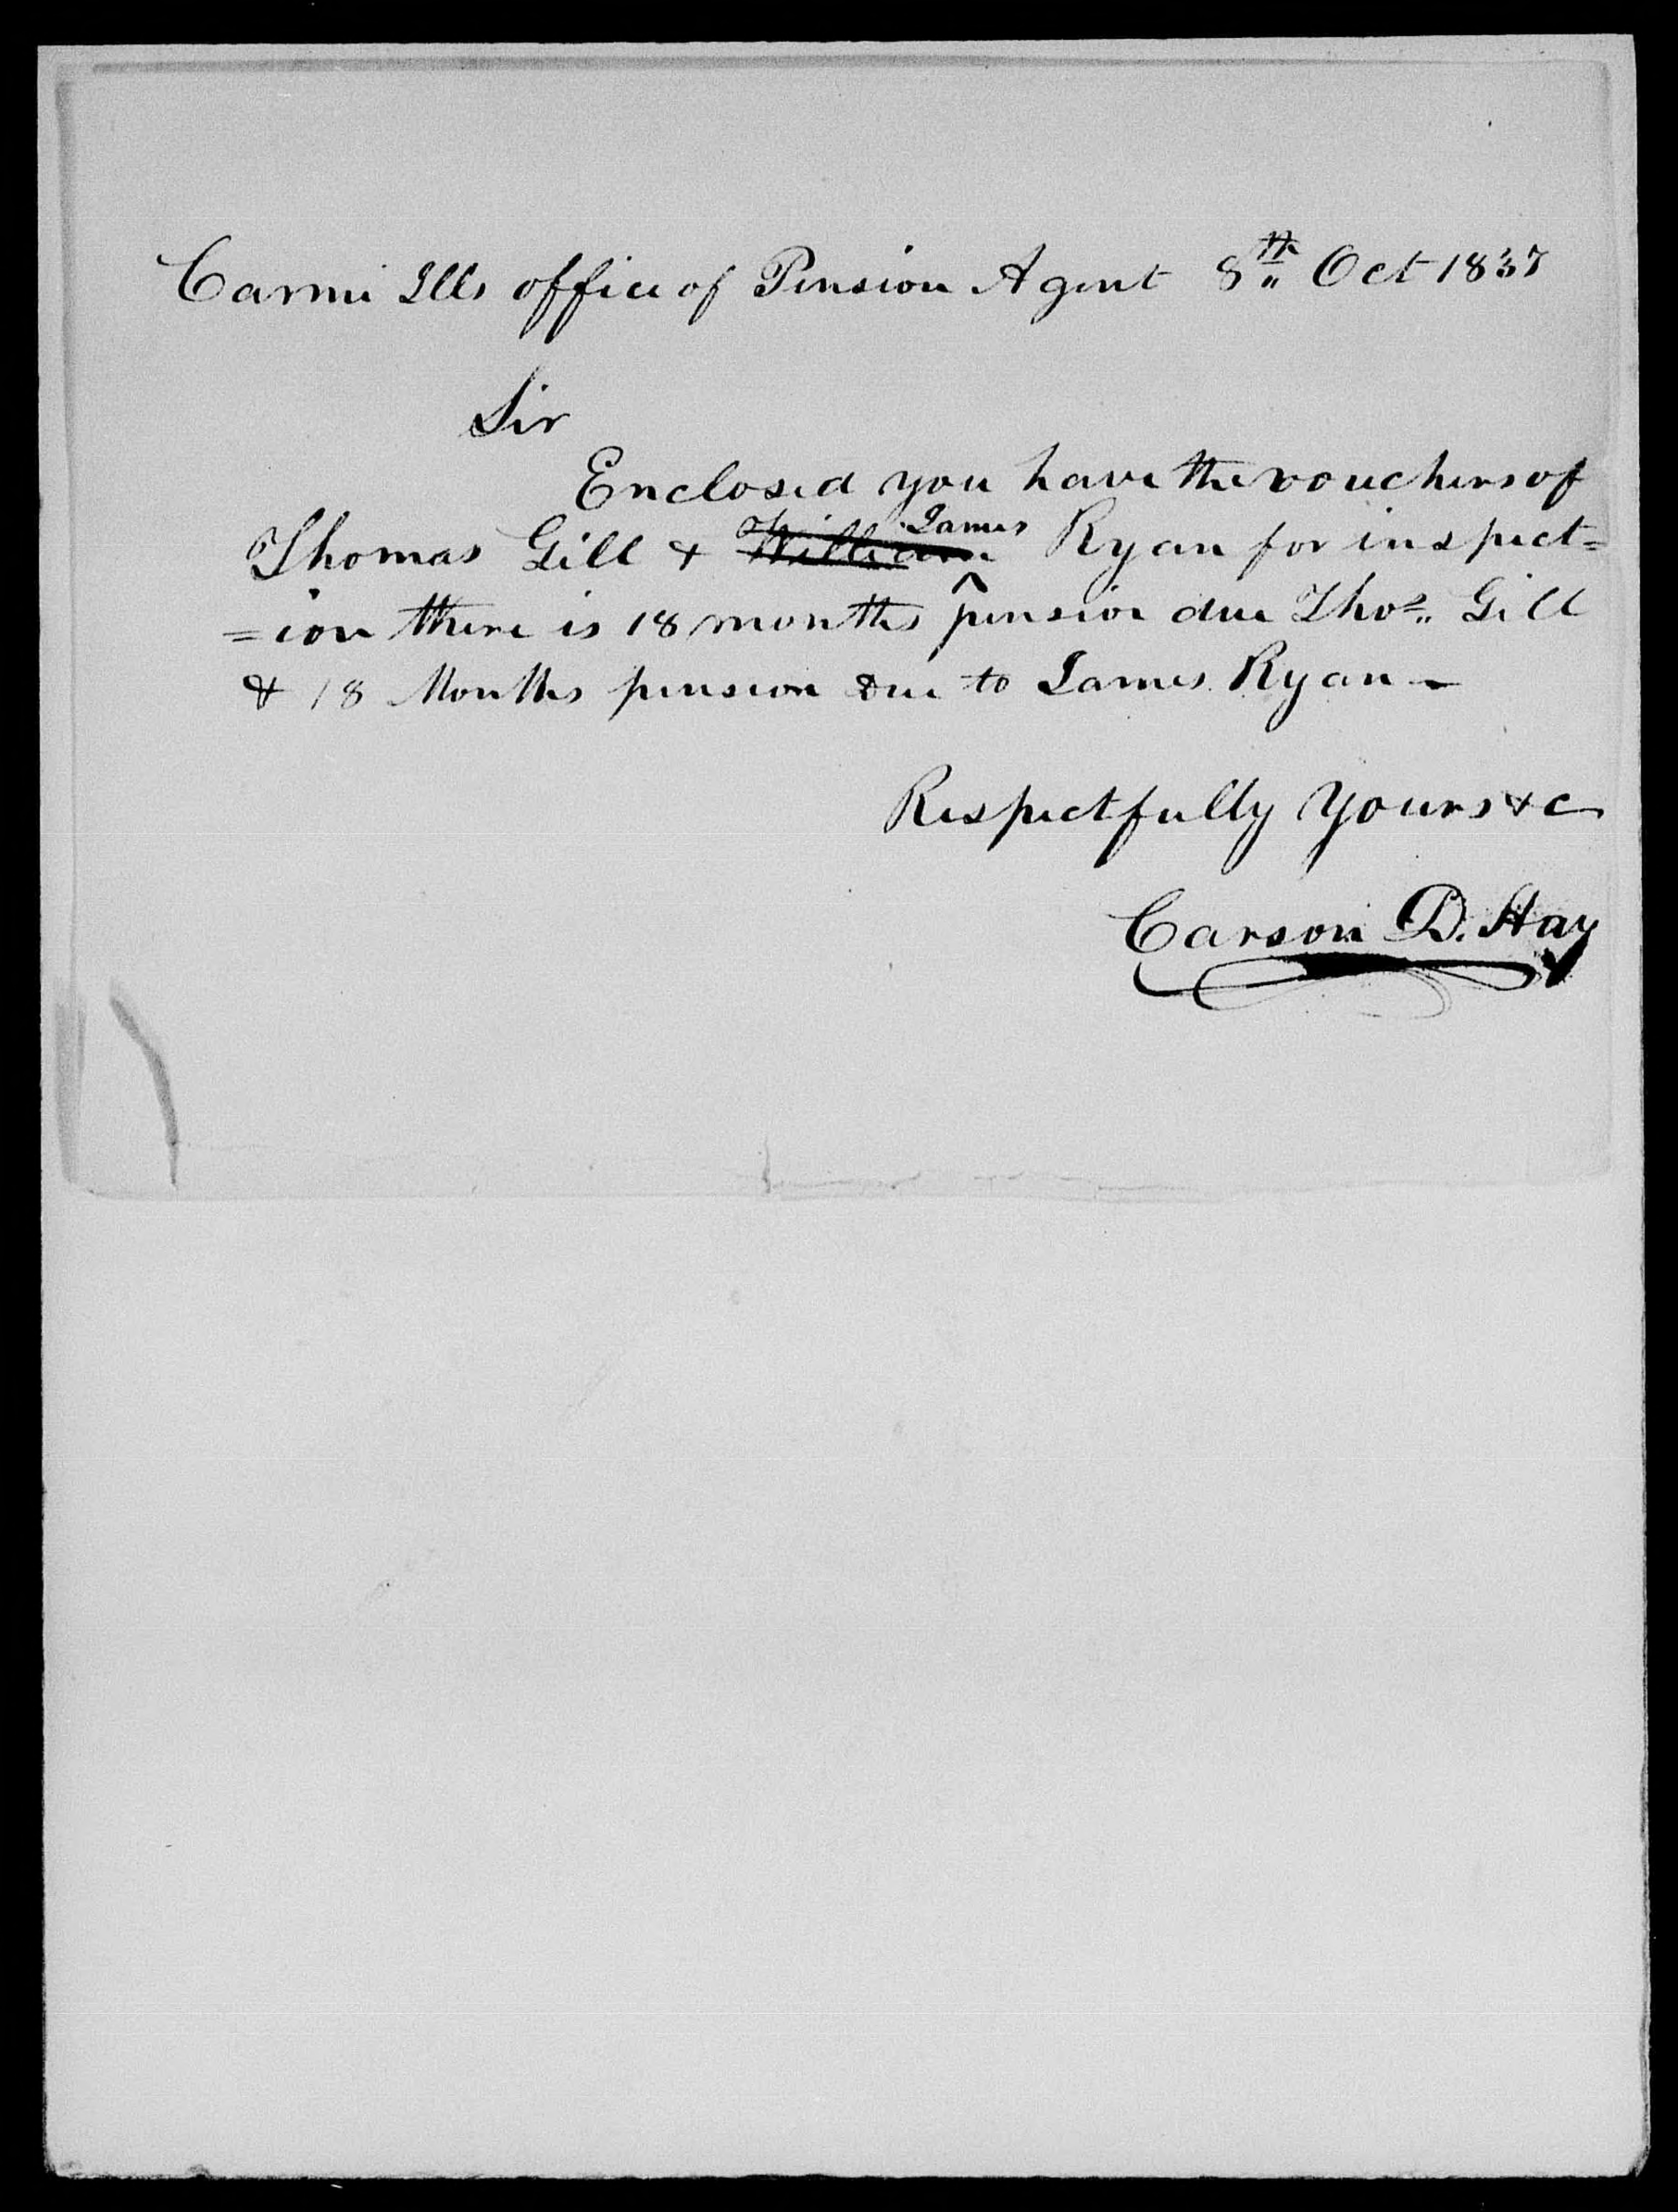Carmi Ills office of Pension Agent 8th Oct 1837 Sir , Enclosed you have the  vouchers of Thomas Gill  & James  Ryan  for inspection there is 18 months pension due  Thos. Gill  & 8 months pension due to James Ryan.  Respectfully yours  Carson D. Hay  ( signed )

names: James Ryan, James Ryan, Thomas Gill, Thos Gill, Carson D Hay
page: 21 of 44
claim: survivor's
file: S. 31,061, Thomas Gill, S.C.